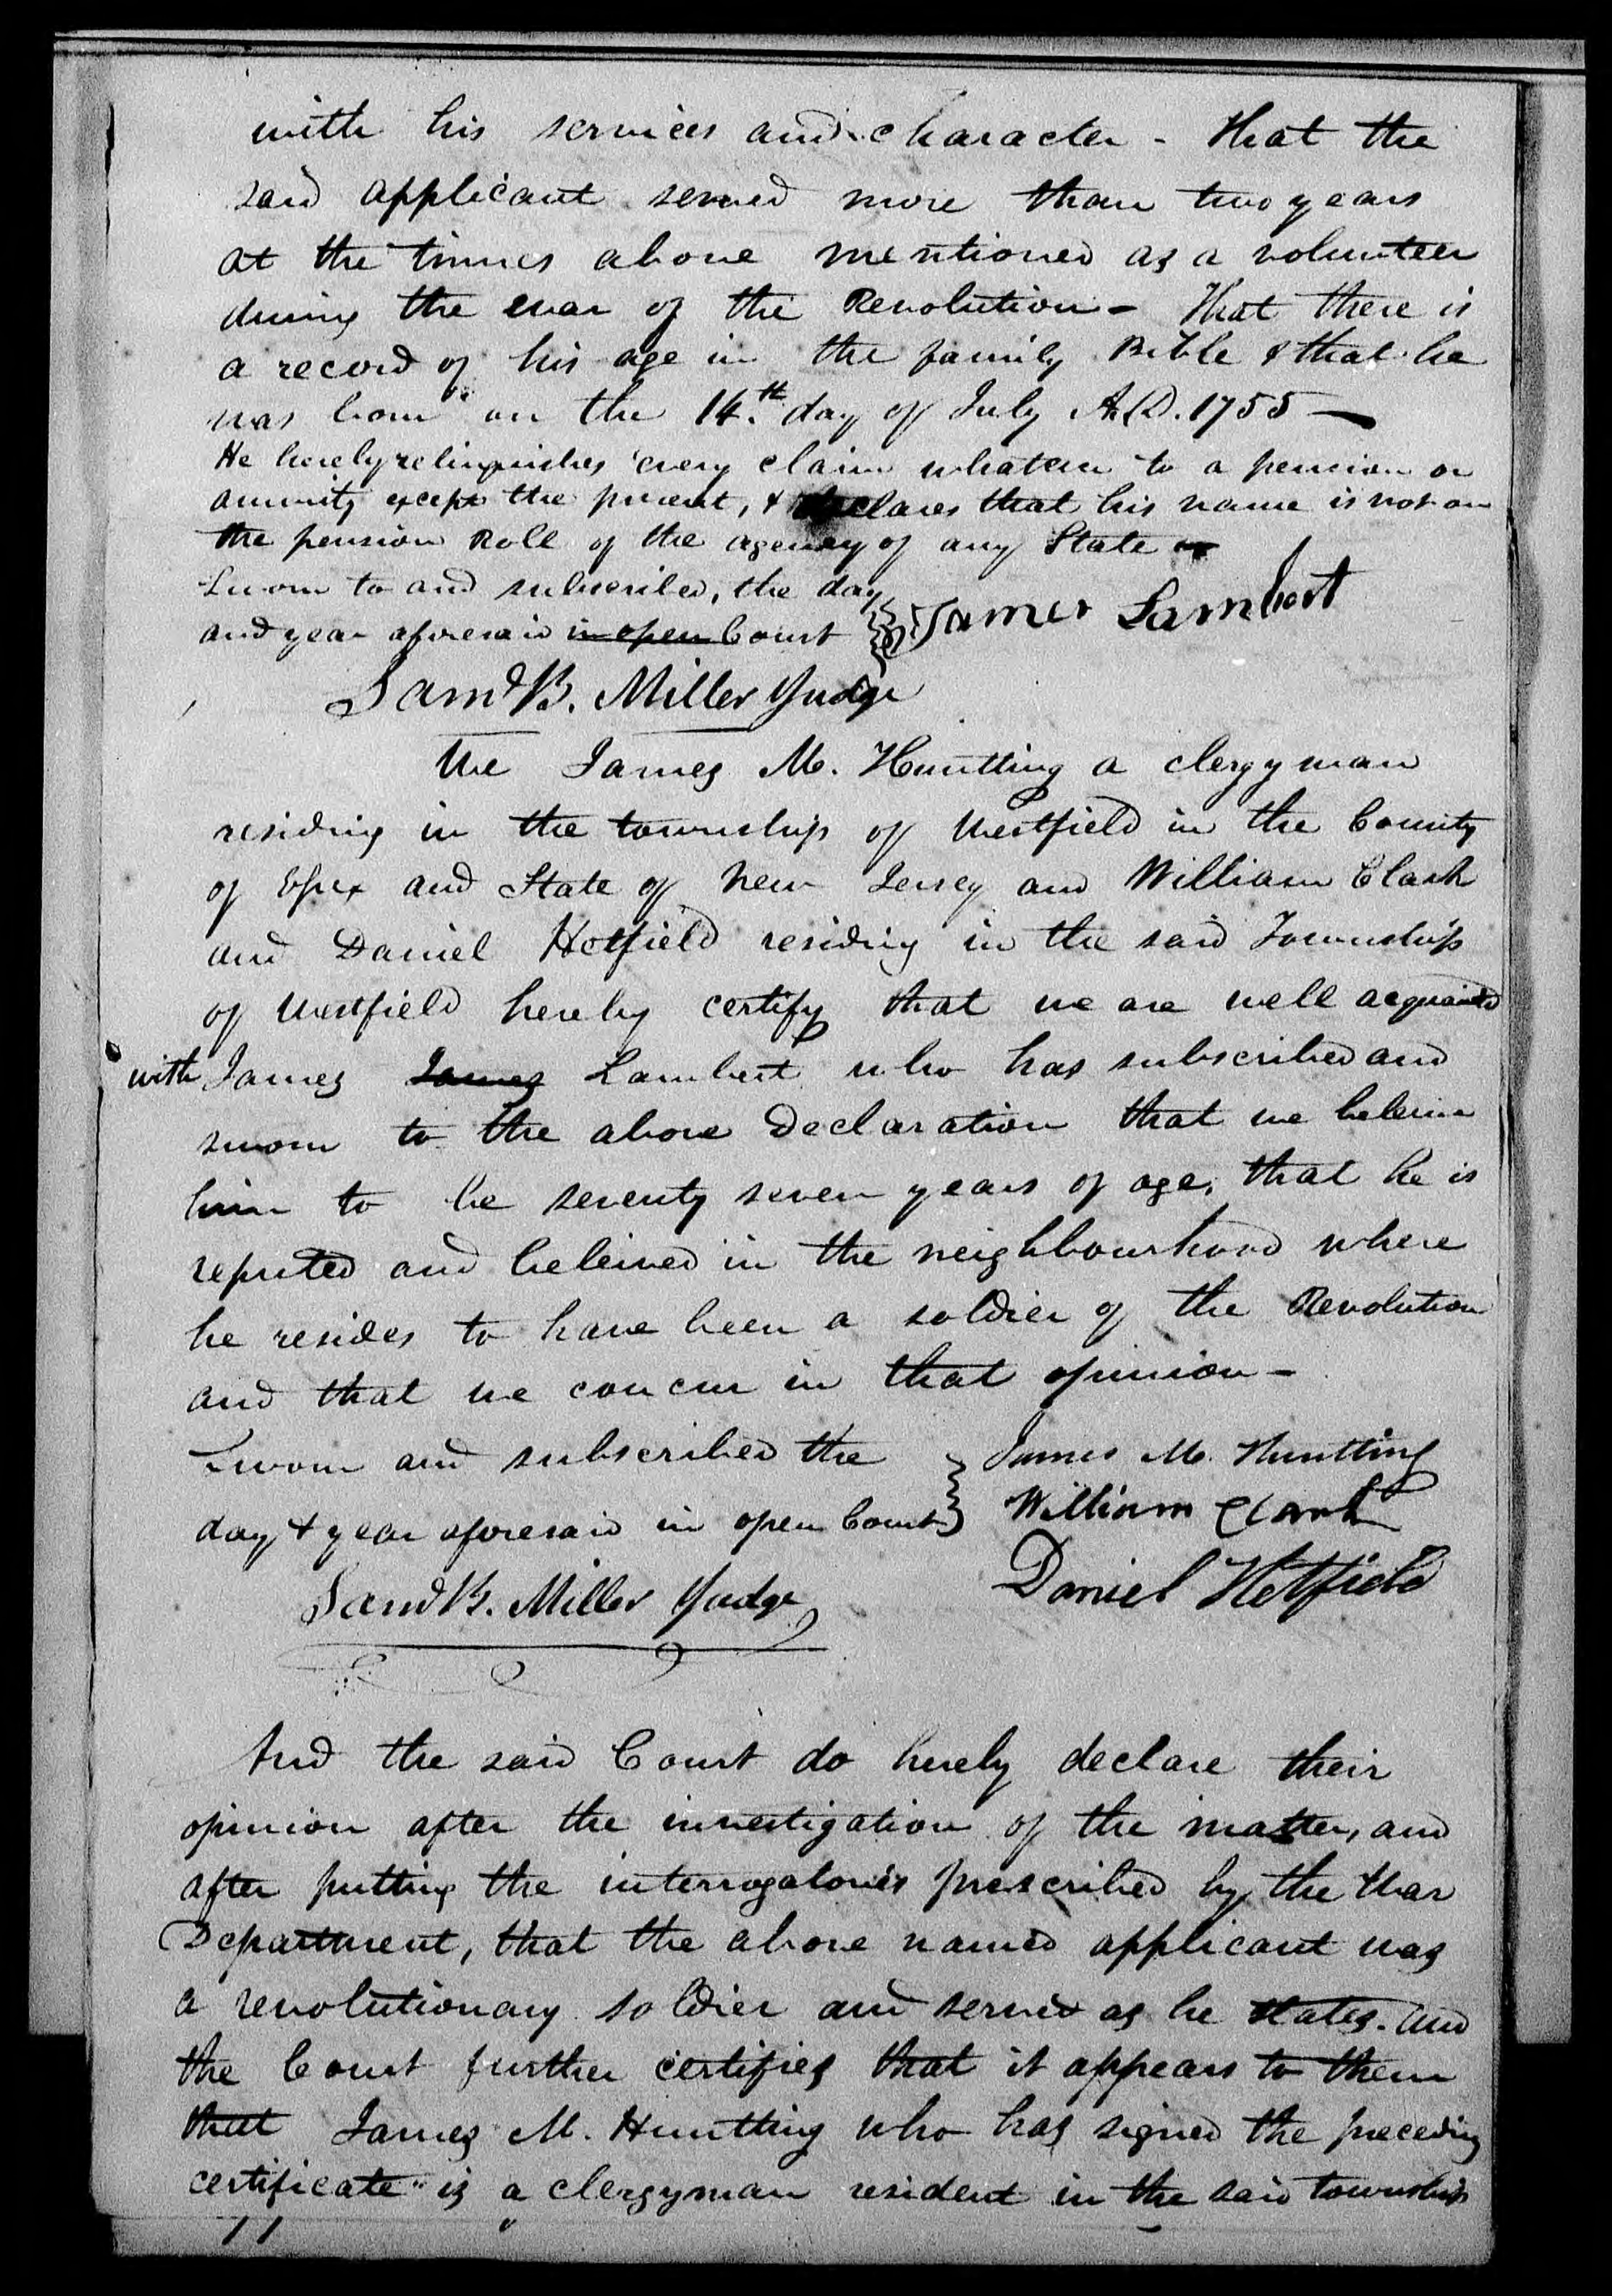with his services and character. That the said applicant served more than two years at the times above mentioned as a volunteer during the war of the Revolution. That there is a 
record of his age in the family Bible & that he
was born on the 14th day of July A.D. 1755.
He hereby relinquishes every claim whatever to a pension or annuity except the present, & declares that his name is not on the pension Roll of the agency of any State 
James Lambert
Sworn to and subscribed the day and year aforesaid in open Court 
Saml B. Miller Judge
---
We James M. Huntting a clergyman
residing in the township of Westfield in the County of Essex and State of New Jersey and William Clark and Daniel Hetfield residing in the said Township of Westfield hereby certify that we are well acquainted James Lambert who has subscribed and sworn to the above declaration that we believe him to be seventy seven years of age, that he is reputed and believed in the neighbourhood where he resides to have been a soldier of the Revolution and that we concur in that opinion-
James M. Hunting
William Clark
Daniel Hetfield

Sworn and subscribed the day & year aforesaid
in open Court
Saml B. Miller Judge

And the said Court do hereby declare their
opinion after the investigation of the matter, and after putting the interrogatories prescribed by the war Department, that the above named applicant was a revolutionary soldier and served as he states. and the Court further certifies that it appears to them
that James M. Hunting who has signed the preceding certificate is a clergyman resident in the said township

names: William Clark; James M Huntting; Saml B Miller; James Lambert; Daniel Hetfield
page: 10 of 49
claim: widow's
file: W. 859, for James Lambert, New Jersey